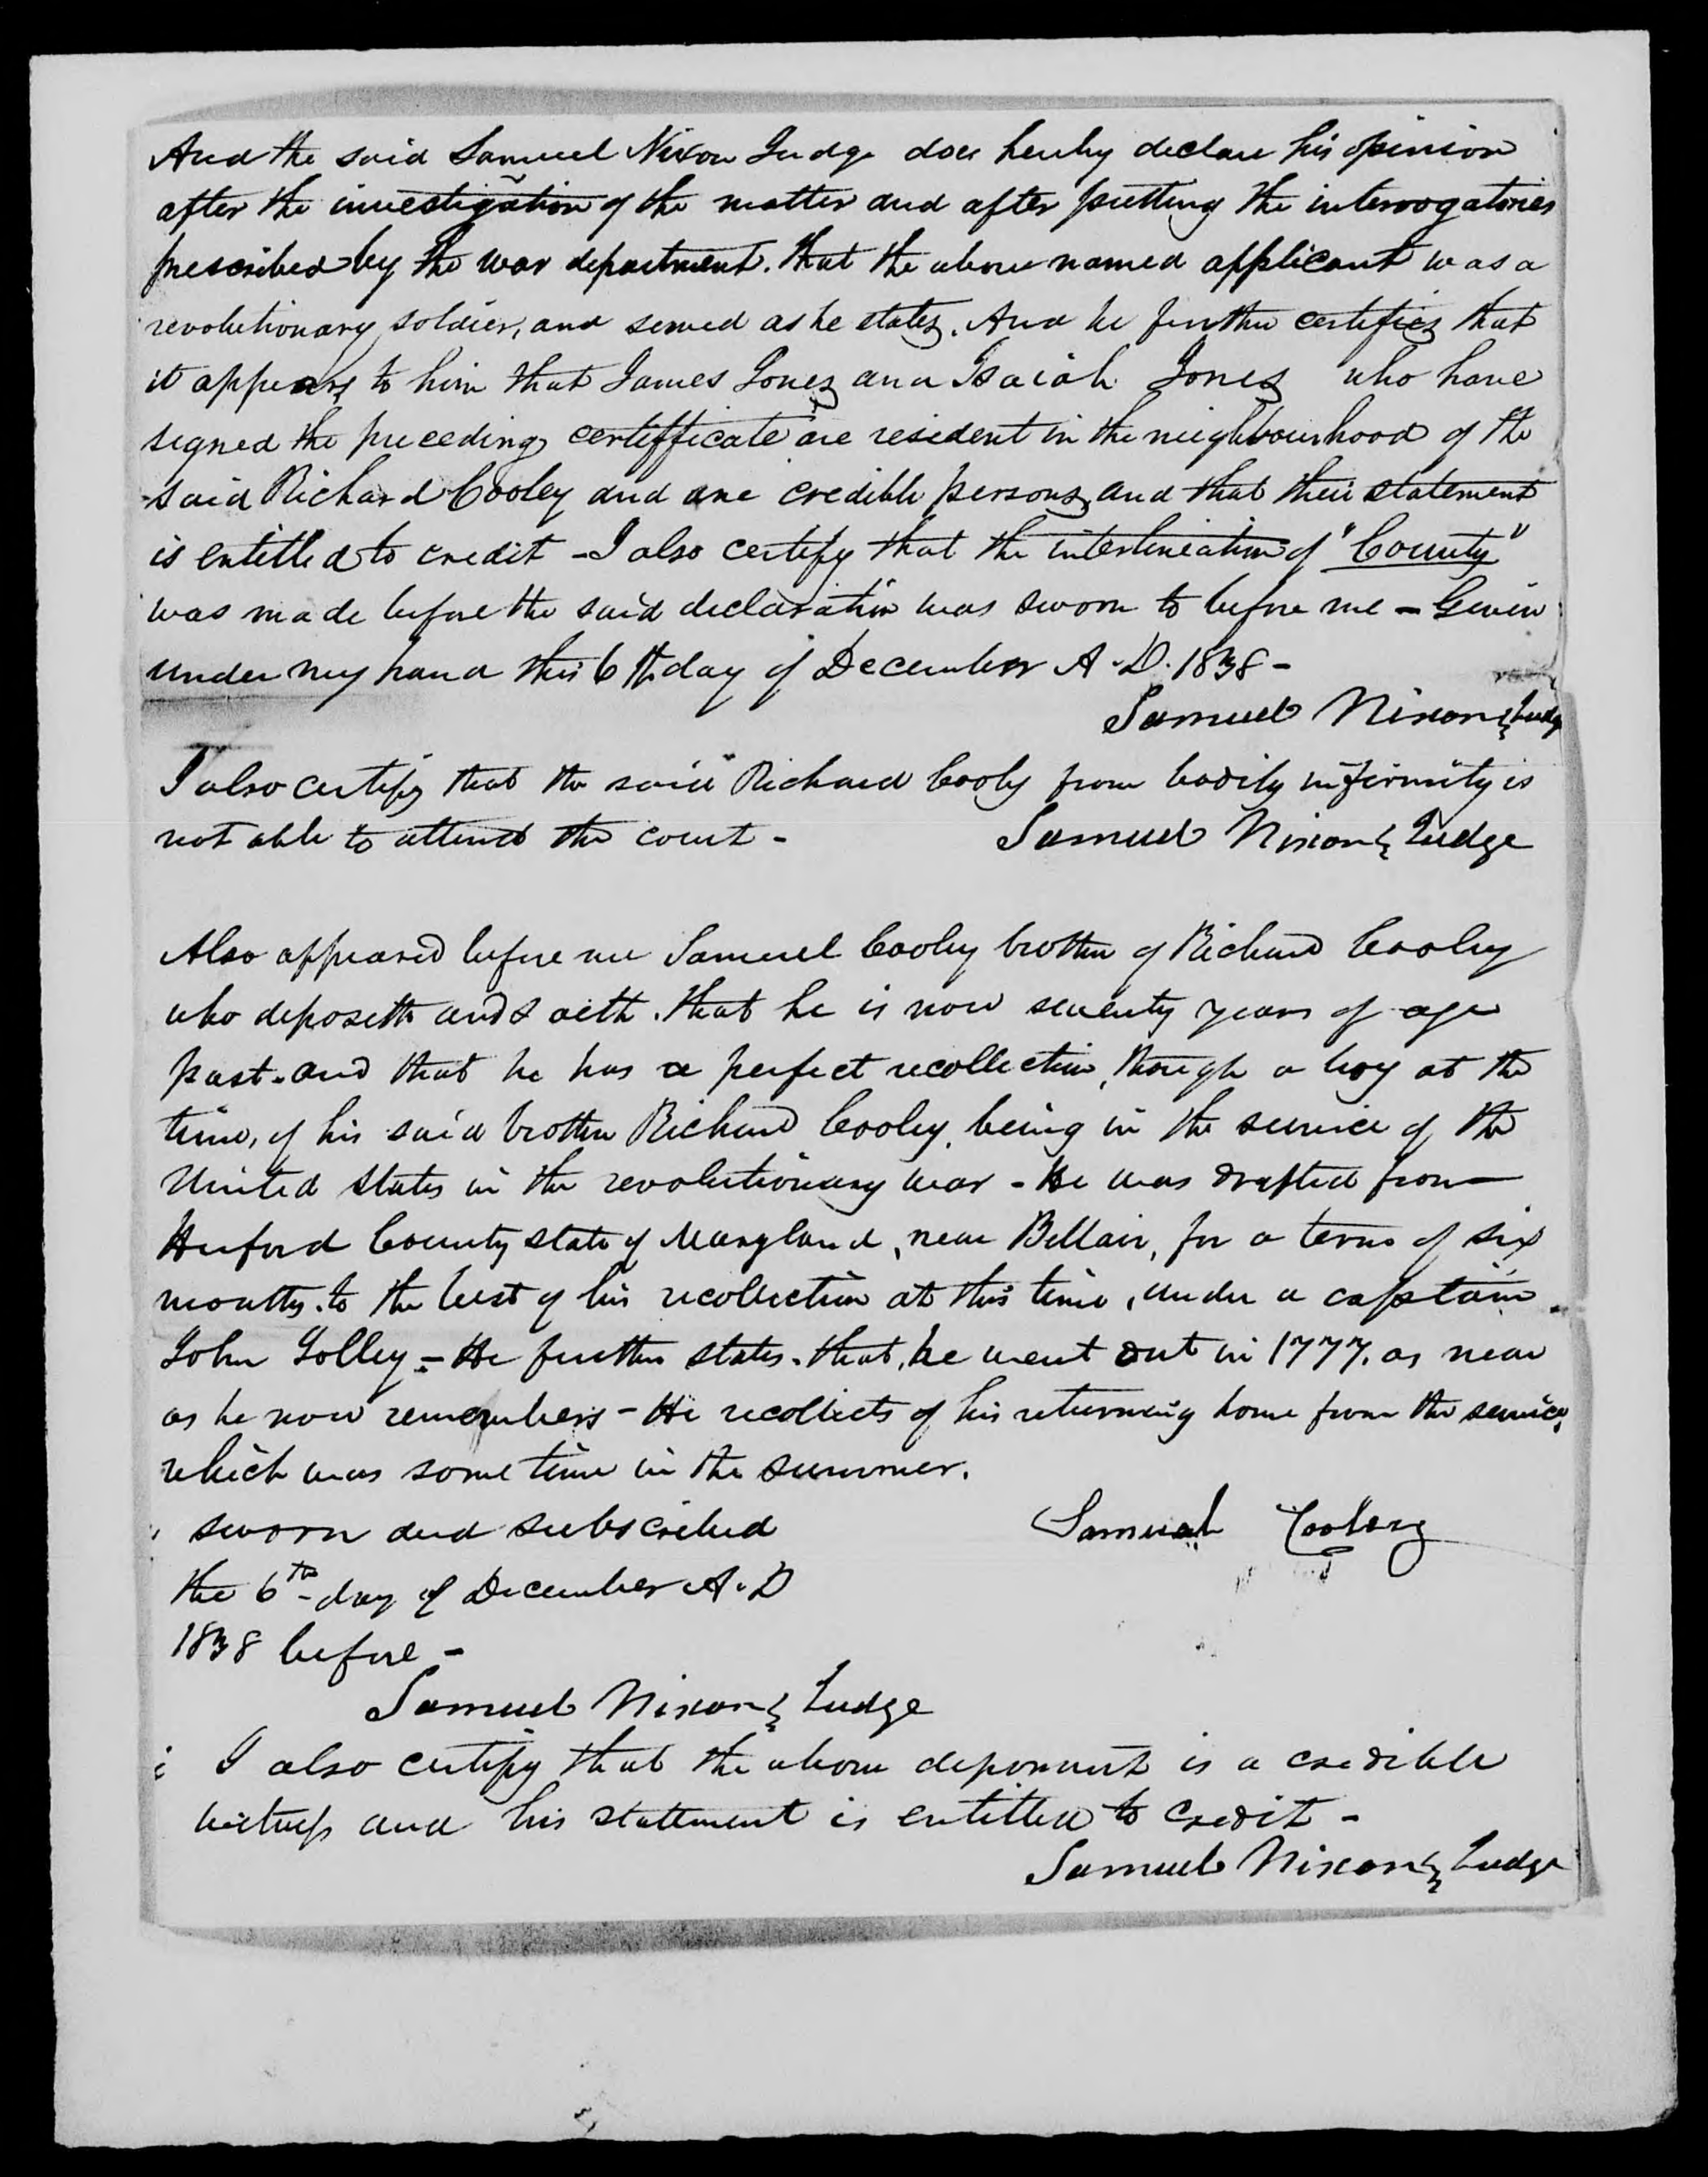And the said Samuel Nixon Judge does hereby declare his opinion after the investigation of the matter and after putting the interogatories prescribed by the war department.  That the above named applicant was a revolutionary soldier, and served as he states.  And he further certifies that it appears to him that James Jones and Isaiah Jones who have signed the preceding certifficate are resident in the nighbourhood of the said Richard Cooley and are credible persons and that their statement is entitled to credit - I also certify that the interliniation of "County" was made before the said declaration was sworn to before me - Given under my hand this 5th day of December A.D. 1838 -
Samuel Nixon } Judge 

I also certify that the said Richard Cooly from bodily infirmity is not able to attend the court.
Samuel Nixon } Judge

Also appeared before me Samuel Cooley brother of Richard Cooley who deposeth and saith that he is now seventy years of age past. and that he has a perfect recollection, though a boy at the time, of his said brother Richard Cooley being in the service of the United States in the revolutionary war - He was drafted from Herferd [Harford] County state of Maryland, near Bellair, for a term of six months. to the best of his recollection at this time, under a captain John Jolley. - He further states that he went out in 1777, or near as he now remembers - He recollects of his returning home from the service which was some time in the summer.
Samuel Cooley
Sworn and subscribed the 6th day of December A.D. 1838 before -
Samuel Nixon } Judge

I also certify that the above deponent is a credible witness and his statement is entitled to credit.
Samuel Nixon } Judge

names: Samuel Nixon, Samuel Cooley, Richard Cooley, Samuel Cooley, Samuel Nixon, Isaiah Jones, James Jones, Richard Cooley, John Jolley, Samuel Nixon, Samuel Nixon, Samuel Nixon, Richard Cooley, Richard Cooly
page: 6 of 19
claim: rejected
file: R. 2,283, Richard Cooley, Md.